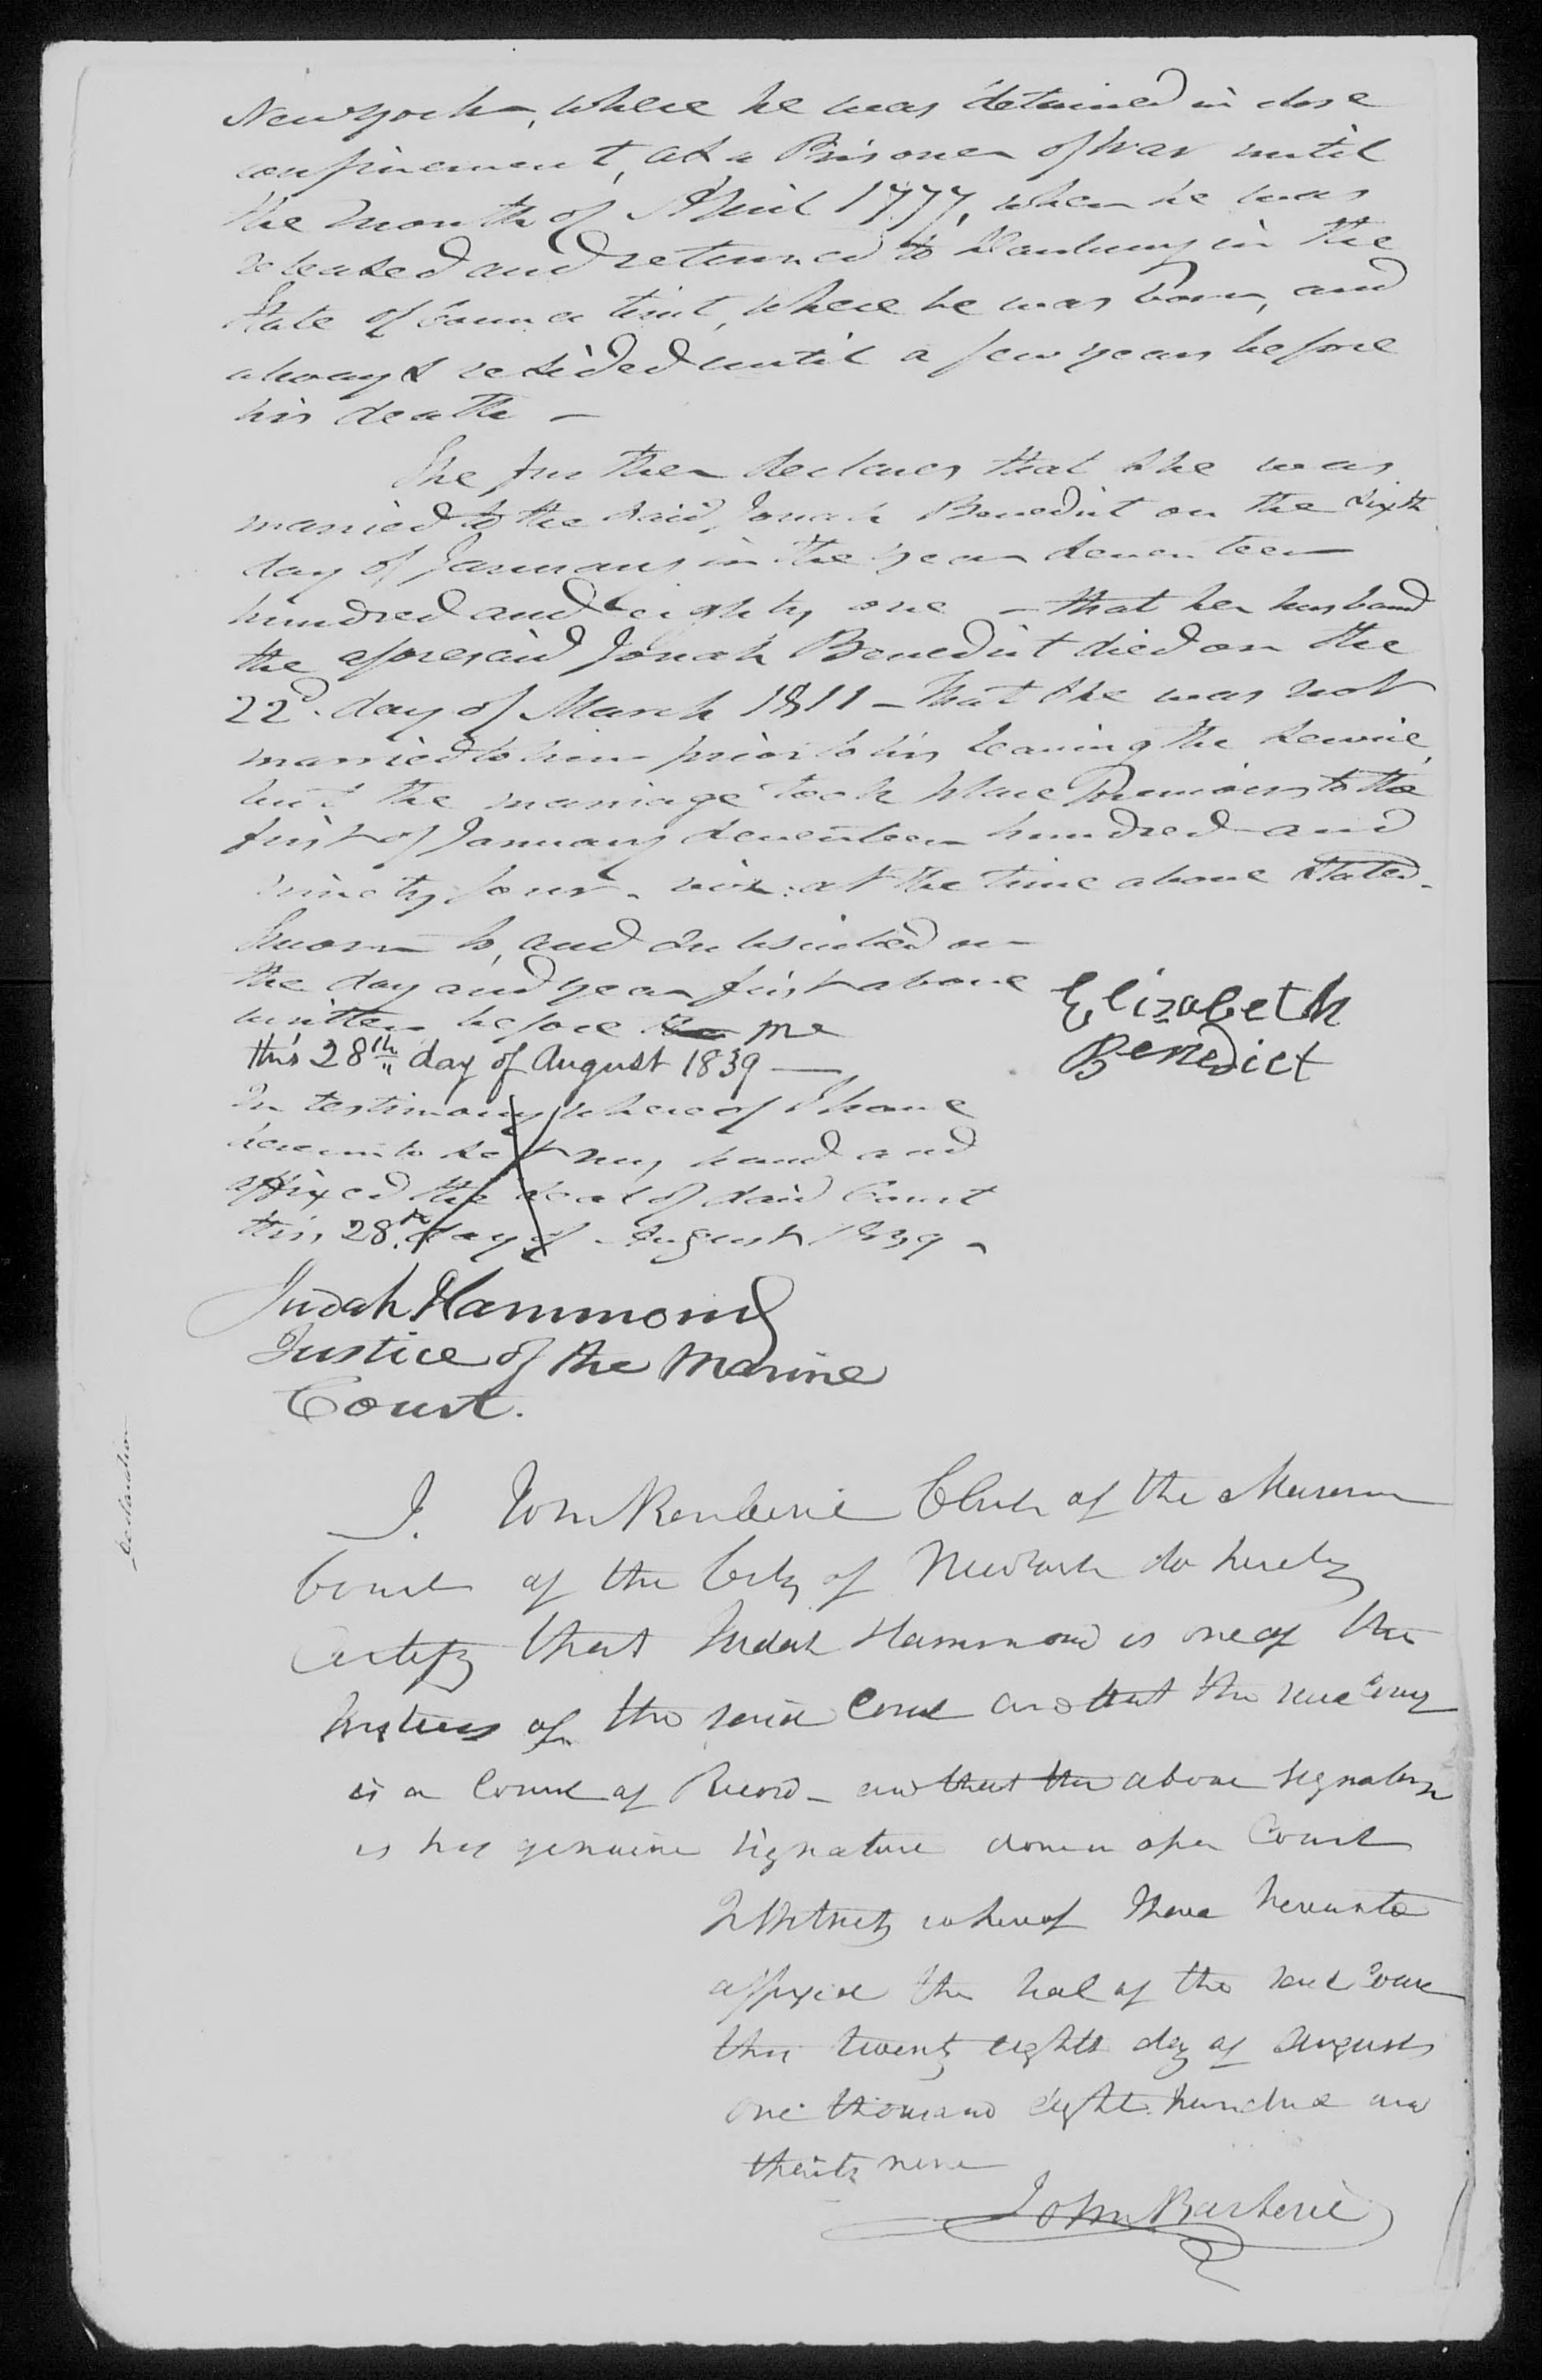New York, where he was detained in close
confinement, as a prisoner of war until
the month of April 1777, when he was
released and returned to Danbury in the
late of Connecticut where he was born, and
always resided until a few years before
his death -
       She further declares that she was
married to the said Jonah Benedict on the Sixth
day of January in the year seventeen
hundred and eighty one - that her husband
the aforesaid Jonah Benedict died on the
22d day of March 1811 - That she was not
married to him prior to his leaving the service
but the marriage took place previous to the
first of January Seventeen hundred and
ninety four viz at the time above stated
Sworn to and subscribed on                     Elizabeth
the day and year first above                     Benedict 
written before me
this 28th day of August 1839
(In testimony whereof I have)
(unto set my hand and)
(fixed the seal of said Court)
(this 28th day August 1839-)
Judah Hammond
Justice of the Marine
Court
I, Wm Renline Clerk of the Marine
Court of the City of New York do hereby
certify that Judah Hammond is one of the
Justices of the said Court and that the same
is a court of Record - and that the above signature
is his genuine signature done in open Court
In Witness whereof have hereunto
affixed the seal of the said Court
this twenty eighth day of August
one thousand Eight hundred and
thirty nine
               John Barberie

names: John Barlow, Judah Hammond, Judah Hammond, Elizabeth Benedict, Jonah Benedict, Jonah Benedict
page: 4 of 56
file: [ILLEGIBLE], Jonah Benedict, Conn.